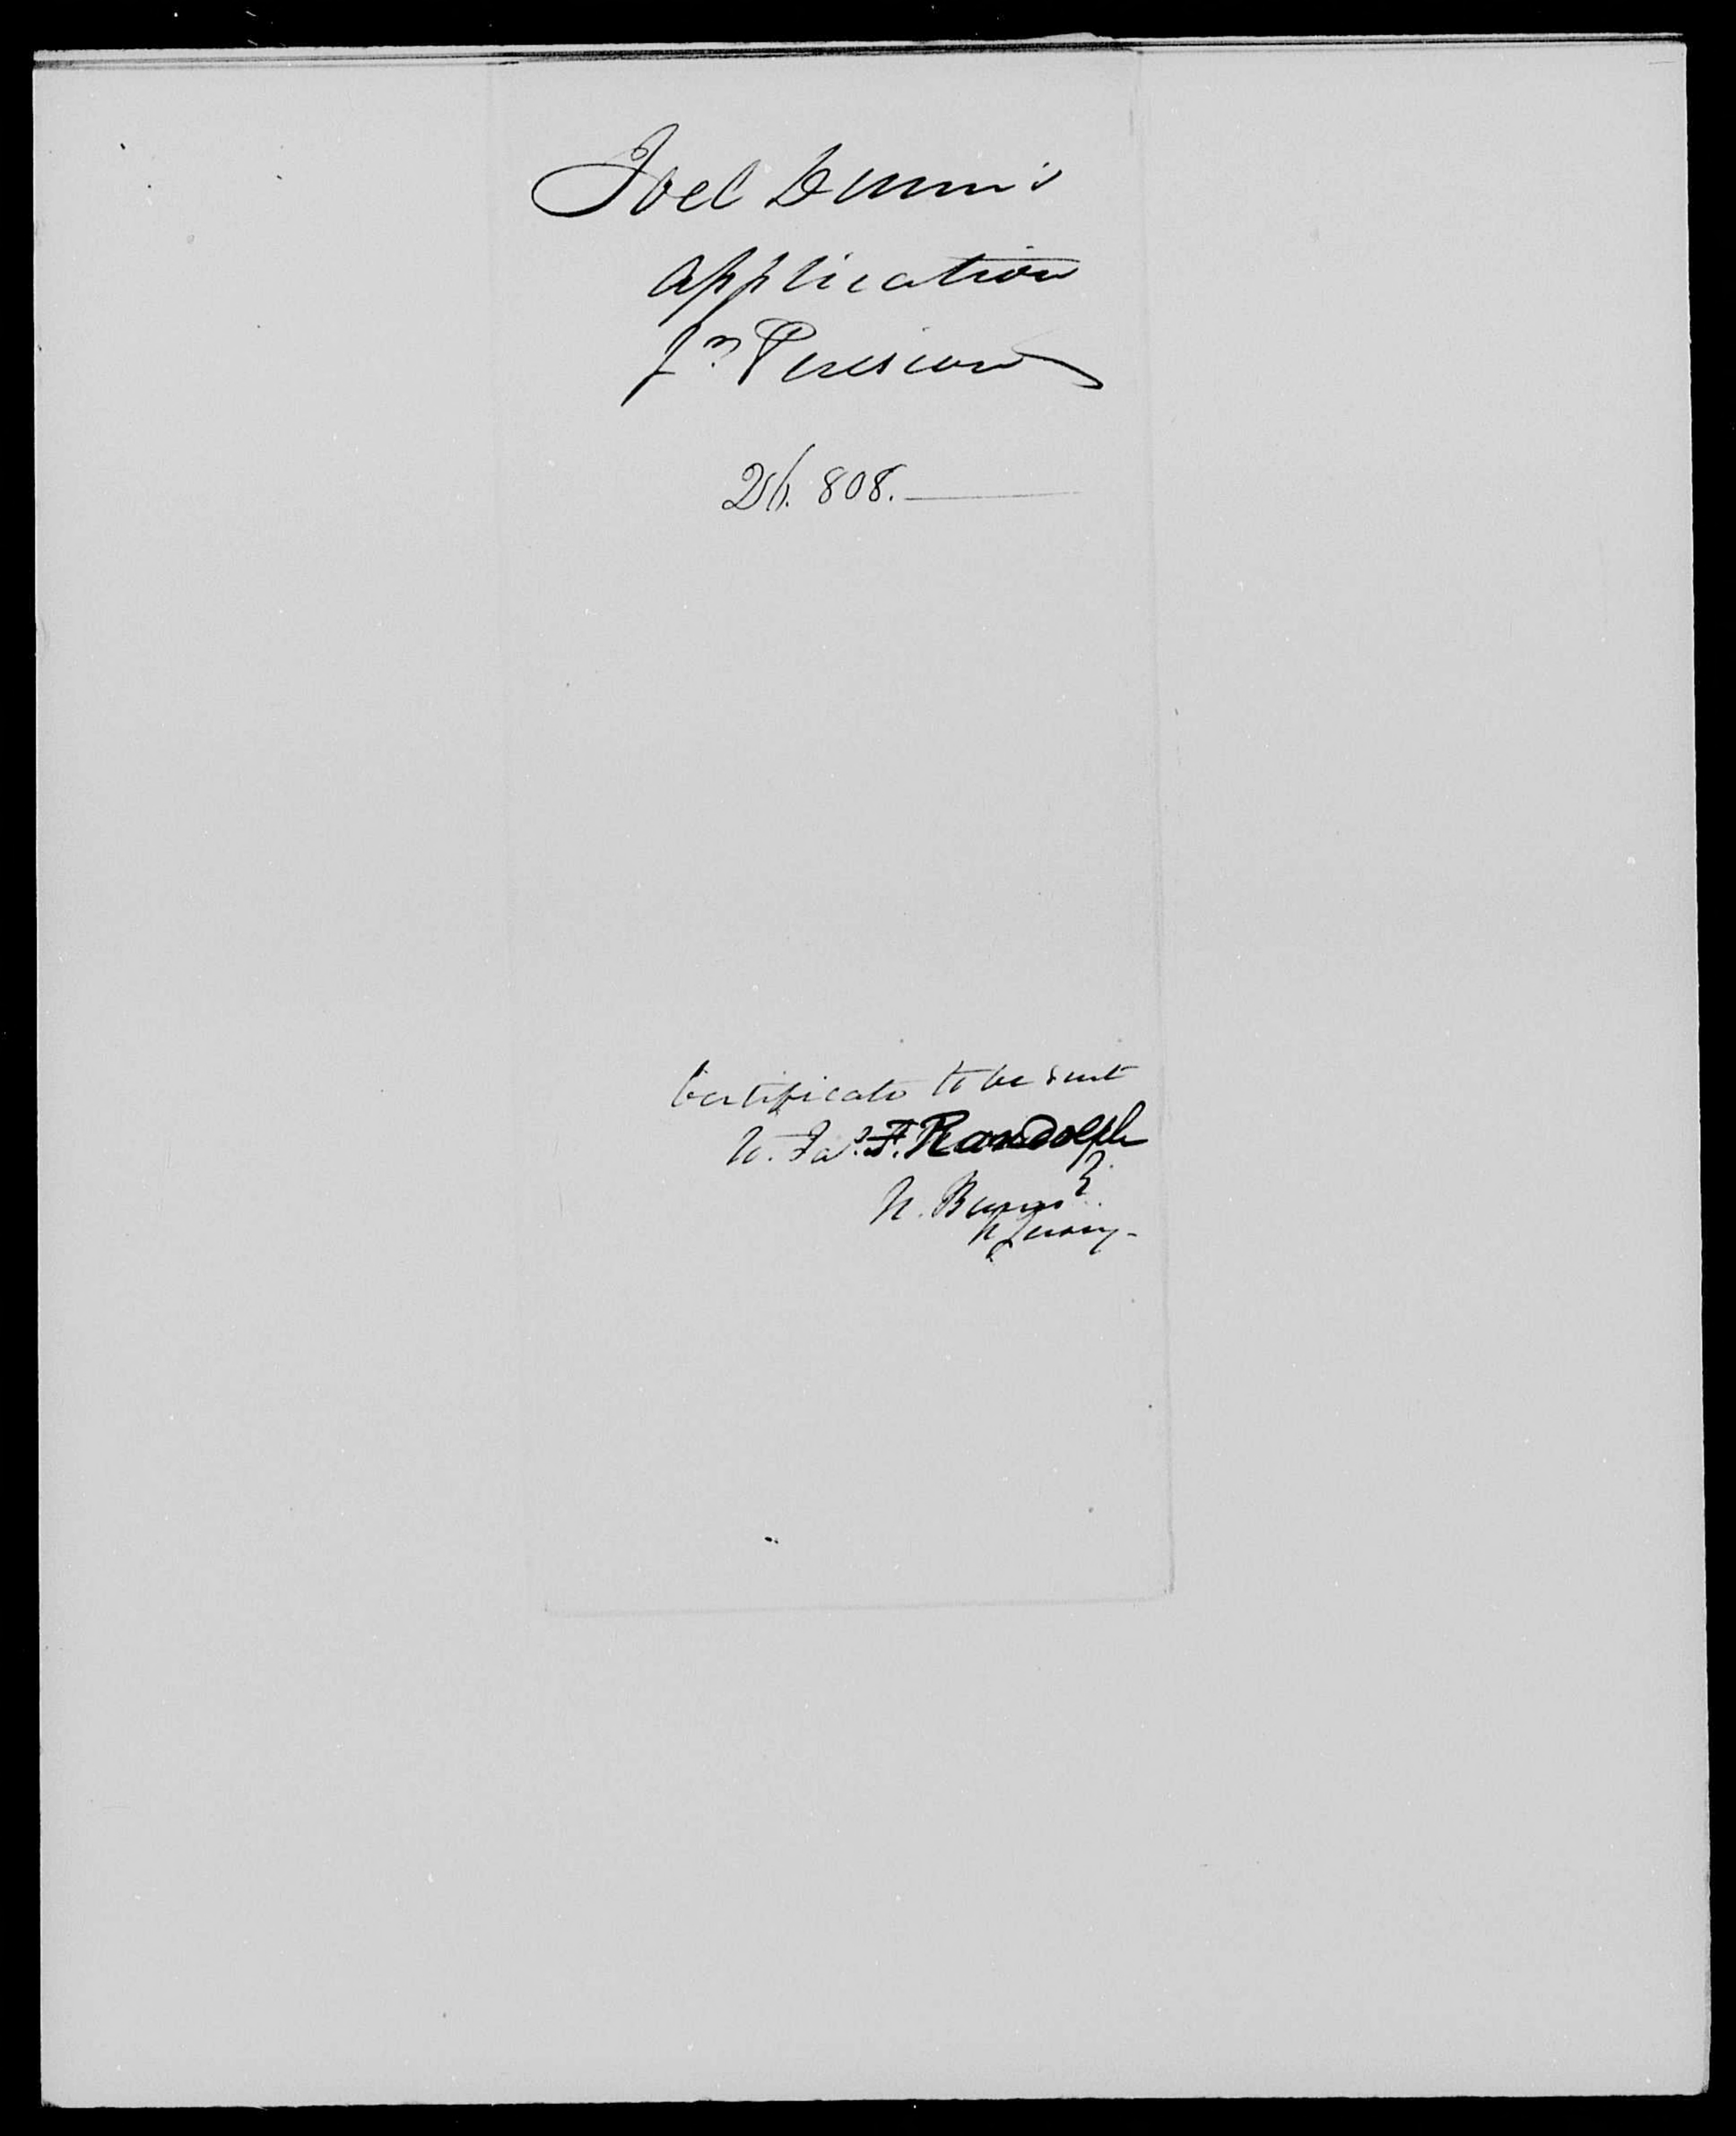Joel Dunn's Application for Pension
26.808.
Certificate to be sent to Jas. F. Randolph N[ew] Bruns[wick] N[ew] Jersey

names: Jas F Randolph, Joel Dunn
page: 37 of 52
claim: widow's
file: W. 919, Joel Dunn, New Jersey